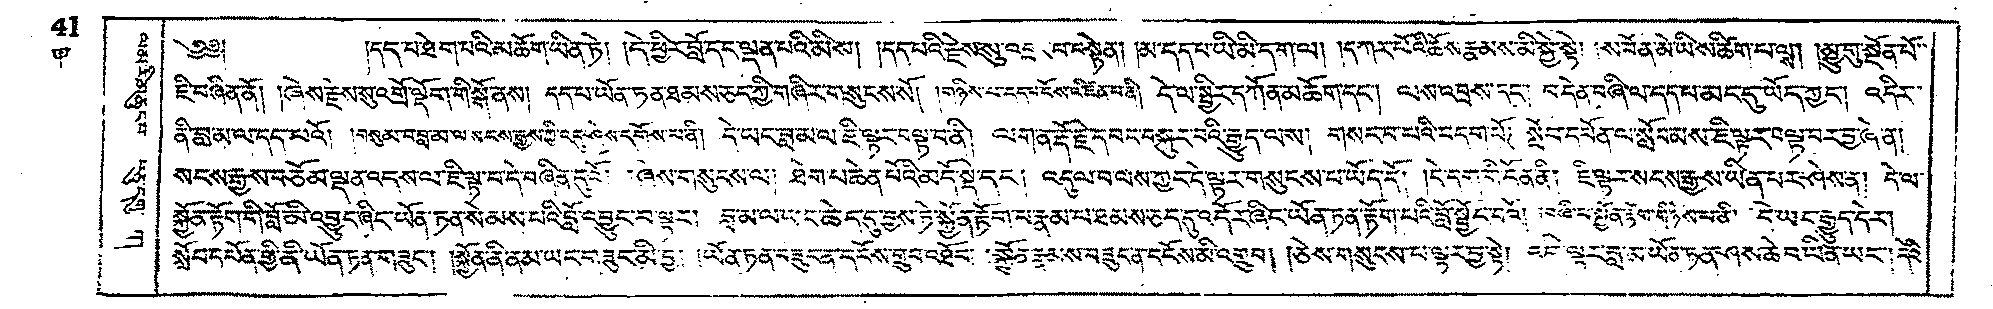༄༅། །དད་པ་ཐེག་པའི་མཆོག་ཡིན་ཏེ། །དེ་ཕྱིར་བློ་དང་ལྡན་པའི་མིས། །དད་པའི་རྗེས་སུ་འབྲང་བ་བསྟེན། །མ་དད་པ་ཡི་མི་དག་ལ། །དཀར་པོའི་ཆོས་རྣམས་མི་སྐྱེ་སྟེ། །ས་བོན་མེ་ཡིས་ཚིག་པ་ལས། །མྱུ་གུ་སྔོན་པོ་
ཇི་བཞིན་ནོ། །ཞེས་རྗེས་སུ་འགྲོ་ལྡོག་གི་སྒོ་ནས། དད་པ་ཡོན་ཏན་ཐམས་ཅད་ཀྱི་གཞིར་གསུངས་སོ། །གཉིས་པ་དད་པ་ངོས་འཛིན་པ་ནི།  དེ་ལ་སྤྱིར་དཀོན་མཆོག་དང་། ལས་འབྲས་དང་། བདེན་བཞི་ལ་དད་པ་མང་དུ་ཡོད་ཀྱང་། འདིར་
ནི་བླ་མ་ལ་དད་པའོ། །གསུམ་པ་བླ་མ་ལ་སངས་རྒྱས་ཀྱི་འདུ་ཤེས་དགོས་པ་ནི།  དེ་ཡང་བླ་མ་ལ་ཇི་ལྟར་བལྟ་བ་ནི། ལག་ན་རྡོ་རྗེ་དབང་བསྐུར་བའི་རྒྱུད་ལས། གསང་བ་པའི་བདག་པོ༑ སློབ་དཔོན་ལ་སློབ་མས་ཇི་ལྟར་བལྟ་བར་བྱ་ཞེ་ན།
སངས་རྒྱས་བཅོམ་ལྡན་འདས་ལ་ཇི་ལྟ་བ་དེ་བཞིན་དུའོ། །ཞེས་གསུངས་ལ། ཐེག་པ་ཆེན་པོའི་མདོ་སྡེ་དང་། འདུལ་བ་ལས་ཀྱང་དེ་ལྟར་གསུངས་པ་ཡོད་དོ། །དེ་དག་གི་དོན་ནི། ཇི་ལྟར་སངས་རྒྱས་ཡིན་པར་ཤེས་ན། དེ་ལ་
སྐྱོན་རྟོག་གི་བློ་མི་འབྱུང་ཞིང་ཡོན་ཏན་སེམས་པའི་བློ་འབྱུང་བ་ལྟར། བླ་མ་ལ་ཡང་ཆེད་དུ་བྱས་ཏེ་སྐྱོན་རྟོག་པ་རྣམ་པ་ཐམས་ཅད་དུ་འདོར་ཞིང་ཡོན་ཏན་རྟོག་པའི་བློ་སྦྱོང་བའོ། །བཞི་པ་སྐྱོན་རྟོག་གི་ཉེས་པ་ནི།  དེ་ཡང་རྒྱུད་དེར།
སློབ་དཔོན་གྱི་ནི་ཡོན་ཏན་གཟུང་། །སྐྱོན་ནི་ནམ་ཡང་གཟུང་མི་བྱ། །ཡོན་ཏན་བཟུང་ན་དངོས་གྲུབ་འཐོབ། །སྐྱོན་རྣམས་བཟུང་ན་དངོས་མི་འགྲུབ། །ཅེས་གསུངས་པ་ལྟར་བྱ་སྟེ། འདི་ལྟར་བླ་མ་ཡོན་ཏན་ཤས་ཆེ་བ་ཡིན་ཡང་། དེའི་